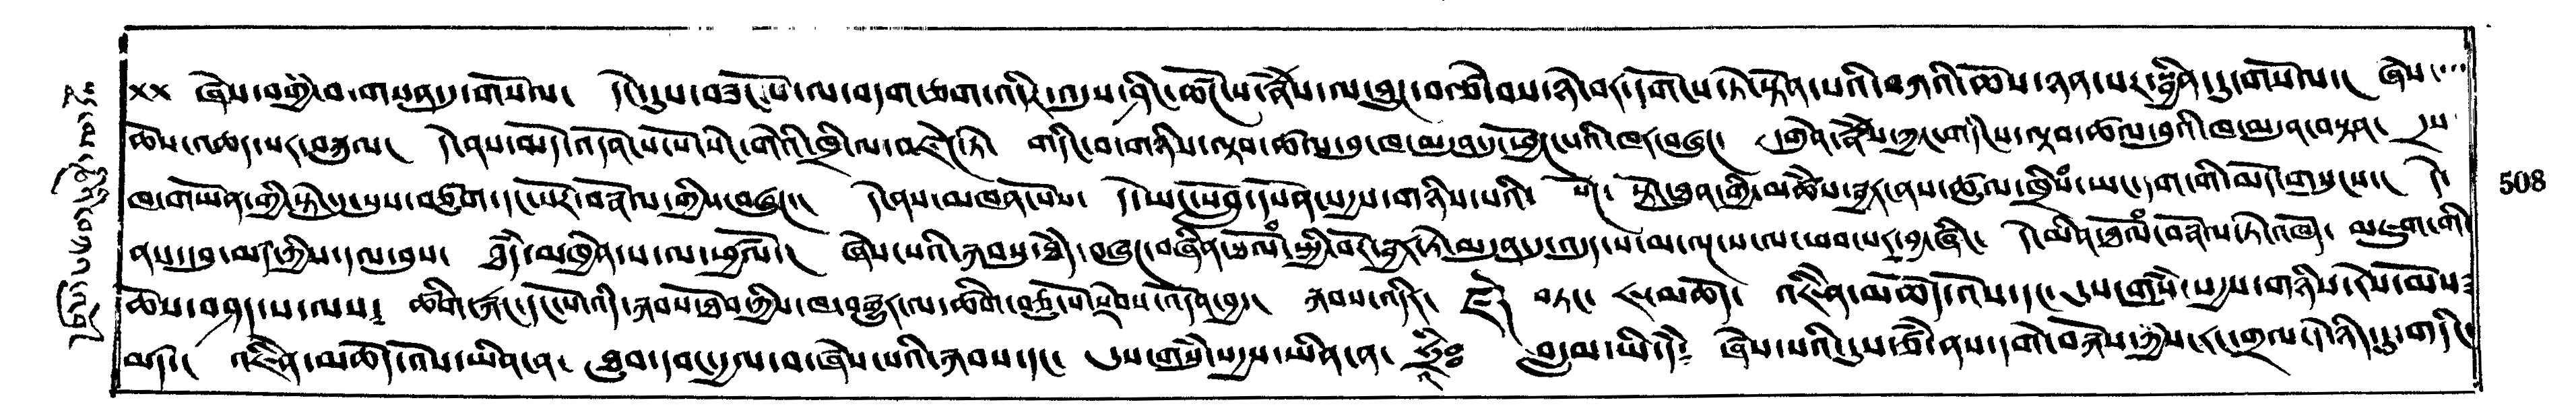ཞེས་བགྱི་བ་གསན་དུ་གསོལ། དེང་དུས་བཟང་ལ་བདག་ཅག་འདིར་འདུས་ཤིང་ཚོགས་པ་རྣམས་ལ་ཐུགས་བརྩེ་བས་ཉེ་བར་དགོངས་ཏེ་སྟོན་པའི་བཀའི་ཆོས་ཉན་པར་སྦྱིན་དུ་གསོལ།ཞེས་
ཆོས་འཆད་པར་བསྐུལ། དེ་ནས་མདོ་འདོན་པ་པོ་སེང་གེའི་ཁྲི་ལ་འཛེགས་ཏེ། གདིང་བ་ཉིས་ལྟེབ་ཚལ་བུ་ཁ་མདུན་དུ་ཕྱོགས་པའི་ཁར་བཞུགས། དགེ་འདུན་རྣམས་ཀྱང་གདིང་ལྟེབ་ཚལ་བུའི་ཁ་མདུན་བསྟན། དྲས་
ཁ་གཡོན་གྱི་སྟེང་དུ་པུས་བཙུགས་དང་སོར་བསྣོལ་གྱིས་བཞུགས། དེ་ནས་མཁན་པོས། དེ་ཡང་སློབ་དཔཽན་སངས་རྒྱས་གཉིས་པའི་སོགས་སྟོང་ཐུན་གྱི་མཚམས་སྦྱར་ནས་ཚུལ་ཁྲིམས་ཡང་དག་གི་མདོ་གསུངས། དེ་
ནས་དབུ་མཛད་ཀྱིས་དལ་བུས། ཐམས་ཅད་མཁྱེན་པ་ལ་ཕྱག་འཚལ་ལོ།། ཞེས་པའི་སྐབས་སུ་ཐམས་ཅད་བཞུགས་བཞིན་ཐལ་མོ་སྤྱི་བོར་སྦྱར་ཏེ་མདུན་དུ་འདུད་པ་མ་ལྔ་ས་ལ་ཕབ་པར་བྱ་ཞིང་། དེ་མིན་ཐལ་མོ་བསྣོལ་ཏེ་འཁོད། མཇུག་གི་
ཆོས་བཤད་པ་ལས༴ ཚིག་རྐང་དང་པོ་འདི་སྐབས་ཐོབ་ཀྱིས་ཁ་བསྒྱུར་ལ་ཚིག་བཅུ་པོ་བསྡེབ་འདོན་བྱ། སྐབས་འདིར། ཇ༽ བཏང་། ཇ་མཆོད། འཇིག་རྟེན་མཆོད་འོས་དང་། དུས་གསུམ་སངས་རྒྱས་གཉིས་རེས་མོས་
མཛད། འཇིག་རྟེན་མཆོད་འོས་ཡིན་ན། ཐུབ་དབང་རྒྱལ་བ་ཞེས་པའི་སྐབས་དང་། དུས་གསུམ་སངས་རྒྱས་ཡིན་ན། ཧྲཱིཿ བླ་མ་ཡི་དམ༴ ཞེས་པའི་དུས་ཙམ་ནས་དགེ་སྐོས་ཀྱིས་རང་གྲལ་དེ་ཉིད་དུ་གདིང་